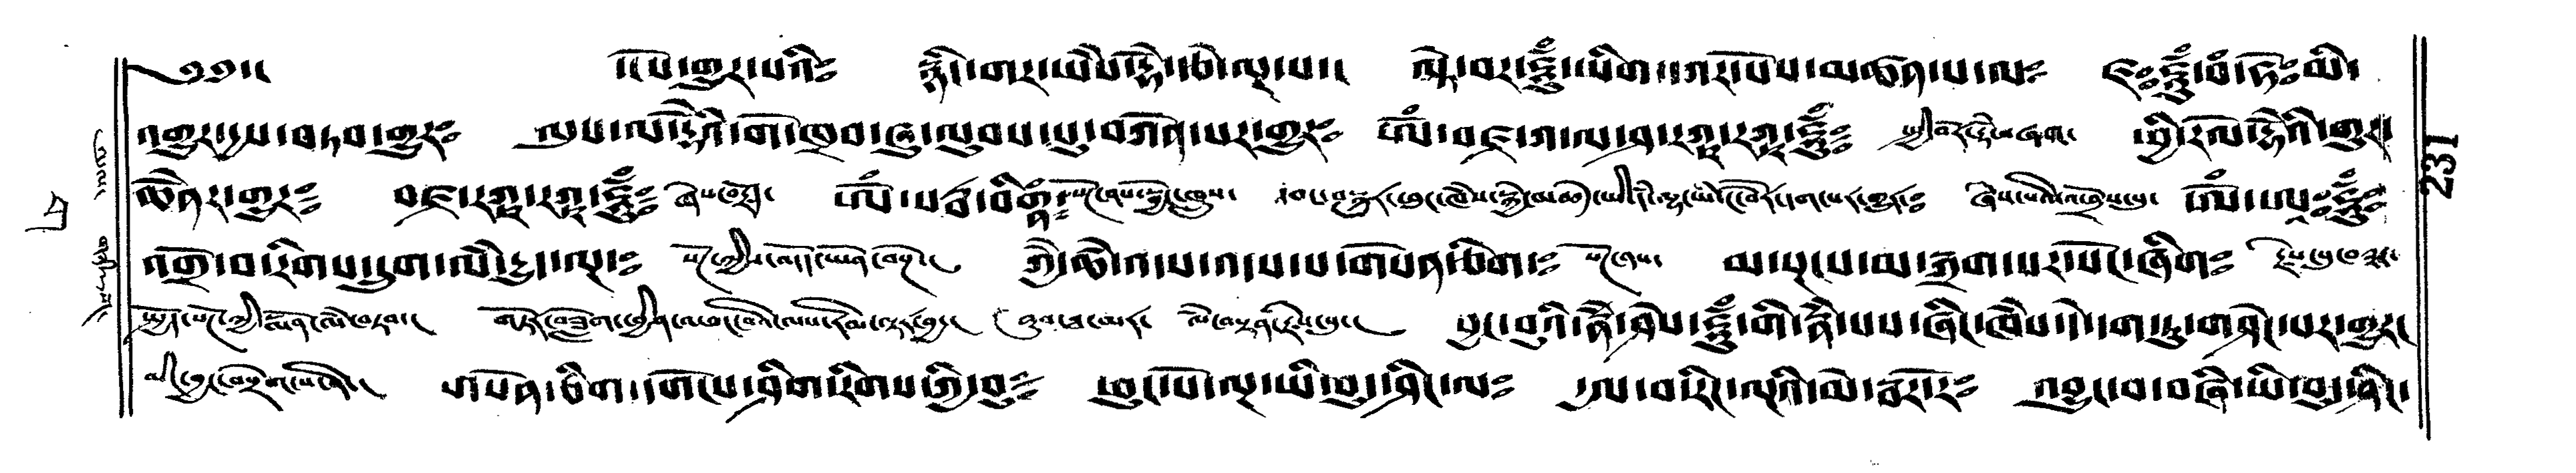དངོས་གྱུར་པའིཿ སྙིང་གར་ཡེ་ཤེས་རྡོ་རྗེ་རྩེ་ལྔ་པཿ ལྟེ་བར་ཧཱུྃ་ཡིག་དཀར་པོས་མཚན་པ་ལཿ ཛཿཧཱུྃ་བཾ་ཧོཿམི་
འགྱུར་རྒྱས་བཏབ་གྱུརཿ ལུས་ལ་རྡོ་རྗེའི་གོ་ཁྲབ་ཞུ་ལུབས་སུ་བཀོན་པར་གྱུརཿ ཨོཾ་བཛྲ་ཀ་ལ་ཤ་རཀྵ་རཀྵ་ཧཱུྃ༔ སྤྱི་བོར་རྡོ་རྗེ་གཞག ཕྱི་རོལ་རྡོ་རྗེའི་གྱུར་
ཆེན་པོར་གྱུར༔ བཛྲ་རཀྵ་རཀྵ་ཧཱུྃ༔ ཞེས་རྗོད། ཨོཾ་སརྦ་བིགྣཾ་སོགས་ནས་སྦྱོང་ཁྲུས་དབང་བསྐུར་ཕུང་ཁམས་སྐྱེ་མཆེད་ཡིའི་དམ་ལྷ་ཡི་ངོ་བོར་དག་པར་གྱུརཿ ཞེས་པའི་འཕྲོས་སུ་ཨོཾ་ཨཱཿཧཱུྃཿ
འགྲོ་བ་རིགས་དྲུག་ལམ་རྒྱུད་ལྔཿ སོགས་ཀྱིས་འདོད་ཡོན་བསྔོ། ཀྱཻ་ཚེ་ལས་འདས་པ་གསོན་ཅིགཿསོགས་ནས། མ་སྔངས་མ་སྐྲག་པར་སོང་ཞིགཿ རྗེས་སུ་བཟང་
སྤྱོད་སོགས་ཀྱི་སྨོན་ལམ་གདབ། གཏོར་ཟློག་མན་འཕང་བའི་ལས་རིམ་ལྟར་བྱ། ནུབ་ཐ་མར་ལམ་བསྟན་རྗེས་སུ། བྱང་བུའི་རྣམ་ཤེས་ཧཱུྃ་གི་རྣམ་པས་ཞིང་ཁམས་དེ་དག་ཏུ་གཤེགས་པར་གྱུར། 
མིང་བྱང་སྲེག་པ་ནི། གསོན་ཅིག་དགོངས་ཤིག་རིགས་ཀྱི་བུཿ ཕུང་པོ་ལྔ་ཡི་བུད་ཤིང་ལཿ རྒྱལ་བ་རིགས་ལྔའི་མེ་སྦར་རོཿ འབྱུང་བ་བཞི་ཡི་བུད་ཤིང་